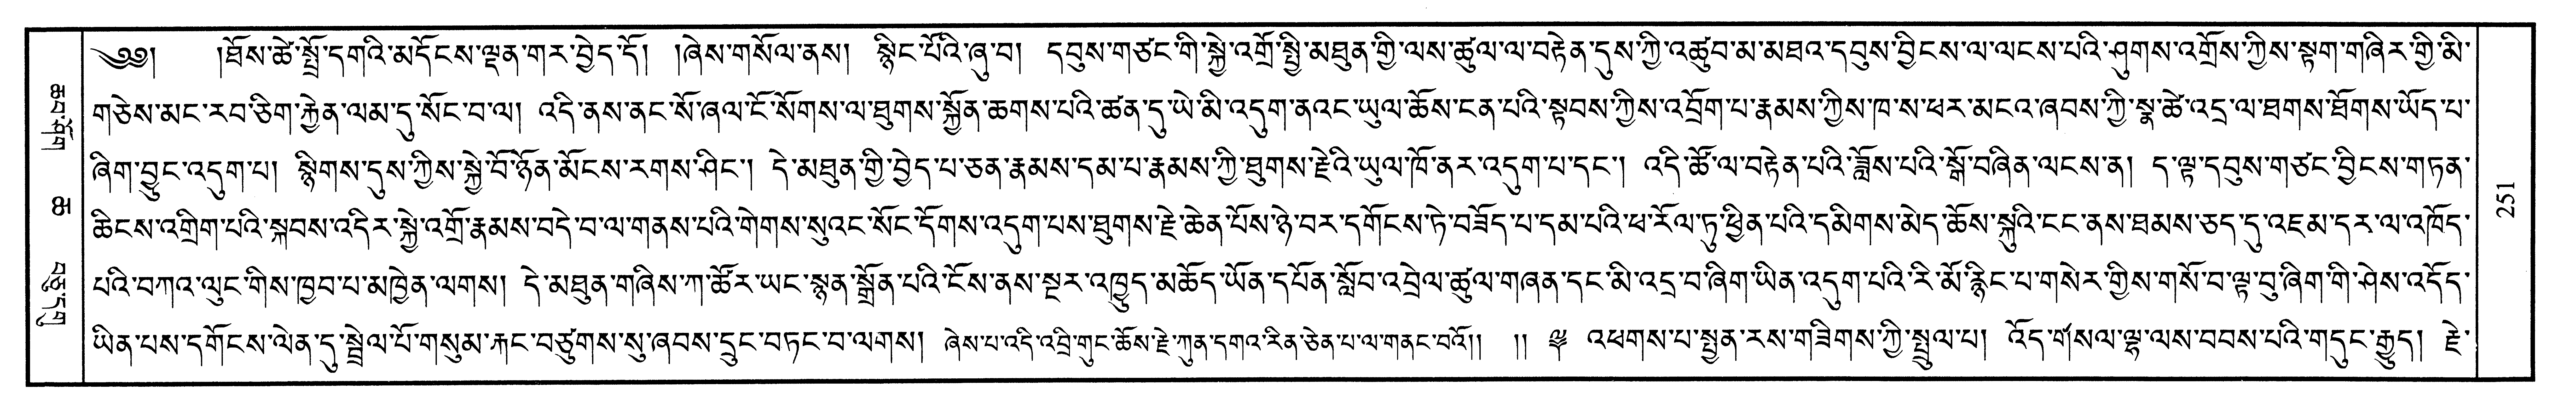༄༅། །ཐོས་ཚེ་སྤྲོ་དགའི་མདོངས་ལྡན་གར་བྱེད་དོ། །ཞེས་གསོལ་ནས། སྙིང་པོའི་ཞུ་བ། དབུས་གཙང་གི་སྐྱེ་འགྲོ་སྤྱི་མཐུན་གྱི་ལས་ཚུལ་ལ་བརྟེན་དུས་ཀྱི་འཚུབ་མ་མཐའ་དབུས་བྱིངས་ལ་ལངས་པའི་ཤུགས་འགྲོས་ཀྱིས་སྟག་གཞིར་གྱི་མི་
གཅེས་མང་རབ་ཅིག་རྐྱེན་ལམ་དུ་སོང་བ་ལ། འདི་ནས་ནང་སོ་ཞལ་ངོ་སོགས་ལ་ཐུགས་སྐྱོན་ཆགས་པའི་ཚན་དུ་ཡེ་མི་འདུག་ནའང་ཡུལ་ཆོས་ངན་པའི་སྟབས་ཀྱིས་འབྲོག་པ་རྣམས་ཀྱིས་ཁ་ས་ཕར་མངའ་ཞབས་ཀྱི་སྣ་ཚེ་འདྲ་ལ་ཐགས་ཐོགས་ཡོད་པ་
ཞིག་བྱུང་འདུག་པ། སྙིགས་དུས་ཀྱིས་སྐྱེ་བོ་ཉོན་མོངས་རགས་ཤིང་། དེ་མཐུན་གྱི་བྱེད་པ་ཅན་རྣམས་དམ་པ་རྣམས་ཀྱི་ཐུགས་རྗེའི་ཡུལ་ཁོ་ནར་འདུག་པ་དང་། འདི་ཚོ་ལ་བརྟེན་པའི་ཟློས་པའི་སྒོ་བཞིན་ལངས་ན། ད་ལྟ་དབུས་གཙང་བྱིངས་གཏན་
ཆིངས་འགྲིག་པའི་སྐབས་འདིར་སྐྱེ་འགྲོ་རྣམས་བདེ་བ་ལ་གནས་པའི་གེགས་སུའང་སོང་དོགས་འདུག་པས་ཐུགས་རྗེ་ཆེན་པོས་ཉེ་བར་དགོངས་ཏེ་བཟོད་པ་དམ་པའི་ཕ་རོལ་ཏུ་ཕྱིན་པའི་དམིགས་མེད་ཆོས་སྐུའི་ངང་ནས་ཐམས་ཅད་དུ་འཇམ་དར་ལ་འཁོད་
པའི་བཀའ་ལུང་གིས་ཁྱབ་པ་མཁྱེན་ལགས། །དེ་མཐུན་གཞིས་ཀ་ཚོར་ཡང་སྙན་སྒྲོན་པའི་ངོས་ནས་སྔར་འཁྱུད་མཆོད་ཡོན་དཔོན་སློབ་འབྲེལ་ཚུལ་གཞན་དང་མི་འདྲ་བ་ཞིག་ཡིན་འདུག་པའི་རི་མོ་རྙིང་པ་གསེར་གྱིས་གསོ་བ་ལྟ་བུ་ཞིག་གི་ཤེས་འདོད་
ཡིན་པས་དགོངས་ལེན་དུ་སྦྲེལ་པོ་གསུམ་རྐང་བཙུགས་སུ་ཞབས་དྲུང་བཏང་བ་ལགས། ཞེས་པ་འདི་འབྲི་གུང་ཆོས་རྗེ་ཀུན་དགའ་རིན་ཅེན་པ་ལ་གནང་བའོ།། །། ༈ འཕགས་པ་སྤྱན་རས་གཟིགས་ཀྱི་སྤྲུལ་པ། འོད་གསལ་ལྷ་ལས་བབས་པའི་གདུང་རྒྱུད། རྗེ་